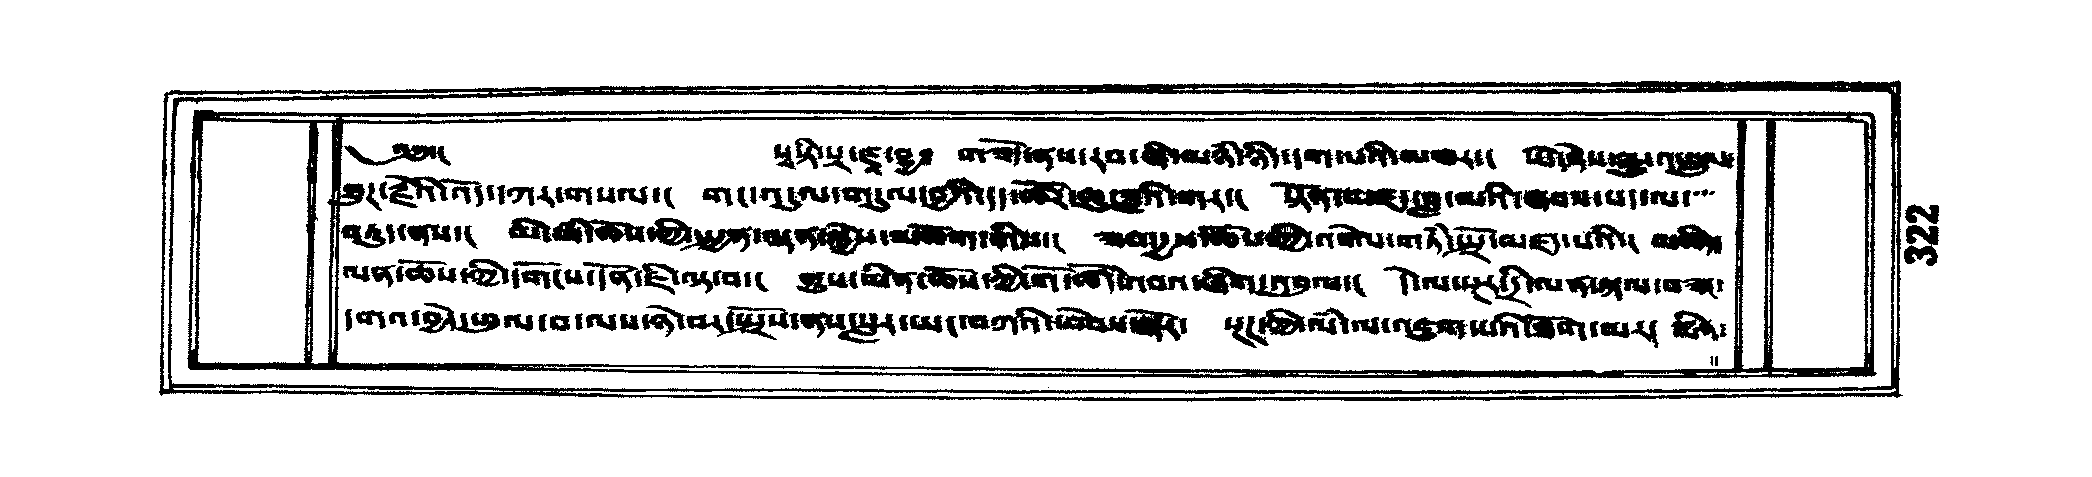སྭསྟི་པྲ་ཛཱ་བྷྱཿ གཟོད་ནས་རབ་ཞི་མཉམ་ཉིད་དག་པའི་མཁར། །ཡེ་ཤེས་རྫུ་འཕྲུལ་
ཐུགས་རྗེའི་འོད་དཀར་གསལ། །གང་འདུལ་གདུལ་བྱའི་དད་མཚོར་ཆུ་ཟླའི་གར། །སྟོན་མཛད་བླ་མའི་ཞབས་པད་ལ་
བཏུད་ནས། །མི་ཕམ་ཆོས་ཀྱི་སྤྱན་ལྡན་སྐྱེས་མཆོག་གིས། །ཟབ་རྒྱས་ཆོས་ཀྱི་འབེལ་གཏམ་སྤྲོ་མཛད་པའི། །མཆིད་
ལན་ཆོས་ཀྱི་དགོངས་དོན་ཇི་ལྟ་བ། །ནུས་མིན་ཆོས་ཀྱི་གོ་ཚོད་འབའ་ཞིག་འབུལ། དེ་ལ་སྔར་དྲི་ལན་བསྐལ་བཟང་
དགའ་བྱེད་ཕུལ་བ་ལ་ཉེ་བར་སྤྲོས་ནས་སླར་ཡང་བཀའི་ཕེབས་སྒོར། སྔགས་ཀྱི་ལམ་ལ་འཇུག་པའི་ཐོག་མར། སྨིན་